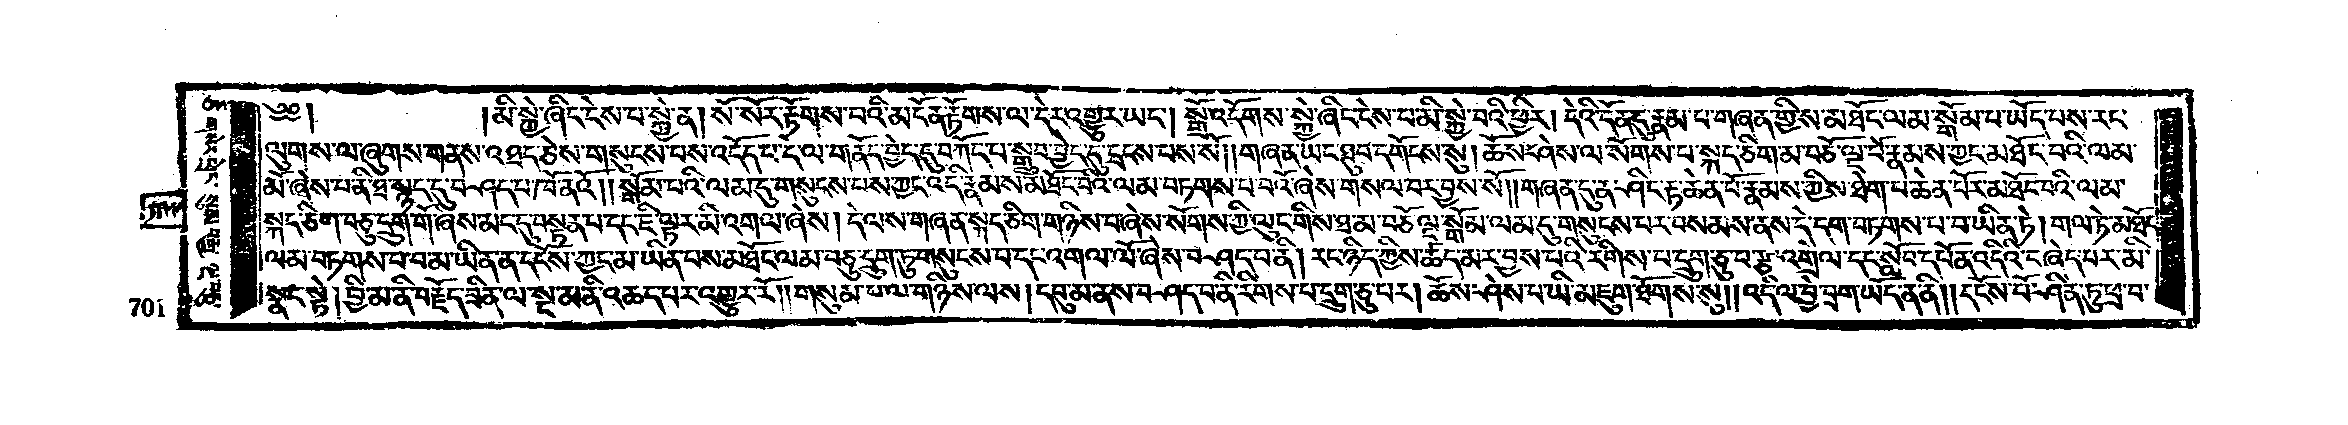༄༅། །མི་སྐྱེ་ཞིང་ངེས་པ་སྐྱེ་ན། སོ་སོར་རྟོགས་པའི་མངོན་རྟོགས་ལ་དེར་འགྱུར་ཡང་། སྒྲོ་འདོགས་སྐྱེ་ཞིང་ངེས་པ་མི་སྐྱེ་བའི་ཕྱིར། དེའི་དོན་དུ་རྣམ་པ་གཞན་གྱིས་མཐོང་ལམ་སྒོམ་པ་ཡོད་པས་རང་
ལུགས་ལ་ཞུགས་གནས་འཐད་ཅེས་གསུངས་པས་འདོད་པ་དེ་ལ་གནོད་བྱེད་དུ་བཀོད་པ་སྒྲུབ་བྱེད་དུ་དྲངས་པས་སོ། །གཞན་ཡང་ཐུབ་དགོངས་སུ། ཆོས་ཤེས་ལ་སོགས་པ་སྐད་ཅིག་མ་བཅོ་ལྔ་པོ་རྣམས་ཀྱང་མཐོང་བའི་ལམ་
མོ་ཞེས་པ་ནི་ཐ་སྙད་དུ་བཤད་པ་ཁོ་ནའོ། །སྒོམ་པའི་ལམ་དུ་གསུངས་པས་ཀྱང་འདི་རྣམས་མཐོང་བའི་ལམ་བཏགས་པ་བའོ་ཞེས་གསལ་བར་བྱས་སོ། །གཞན་དུ་ན་ཤིང་རྟ་ཆེན་པོ་རྣམས་ཀྱིས་ཐེག་པ་ཆེན་པོར་མཐོང་བའི་ལམ་
སྐད་ཅིག་བཅུ་དྲུག་གོ་ཞེས་མང་དུ་བསྟན་པ་དང་ཇི་ལྟར་མི་འགལ་ཞེས། དེ་ལས་གཞན་སྐད་ཅིག་གཉིས་པ་ཞེས་སོགས་ཀྱི་ལུང་གིས་ཐ་མ་བཅོ་ལྔ་སྒོམ་ལམ་དུ་གསུངས་པར་བསམས་ནས་དེ་དག་བཏགས་པ་བ་ཡིན་ཏེ། གལ་ཏེ་མཐོང་
ལམ་བཏགས་པ་བ་མ་ཡིན་ན་དངོས་ཀྱང་མ་ཡིན་པས་མཐོང་ལམ་བཅུ་དྲུག་ཏུ་གསུངས་པ་དང་འགལ་ལོ་ཞེས་བཤད་པ་ནི། རང་ཉིད་ཀྱིས་ཚད་མར་བྱས་པའི་རིགས་པ་དྲུག་ཅུ་པ་རྩ་འགྲེལ་དང་སློབ་དཔོན་འདིའི་བཞེད་པར་མི་
སྣང་སྟེ། ཕྱི་མ་ནི་བརྗོད་ཟིན་ལ་སྔ་མ་ནི་འཆད་པར་འགྱུར་རོ། །གསུམ་པ་ལ་གཉིས་ལས། དབུ་མ་ནས་བཤད་པ་ནི་རིགས་པ་དྲུག་ཅུ་པར། ཆོས་ཤེས་པ་ཡི་མཇུག་ཐོགས་སུ། །འདི་ལ་བྱེ་བྲག་ཡོད་ན་ནི། །དངོས་པོ་ཤིན་ཏུ་ཕྲ་བ་